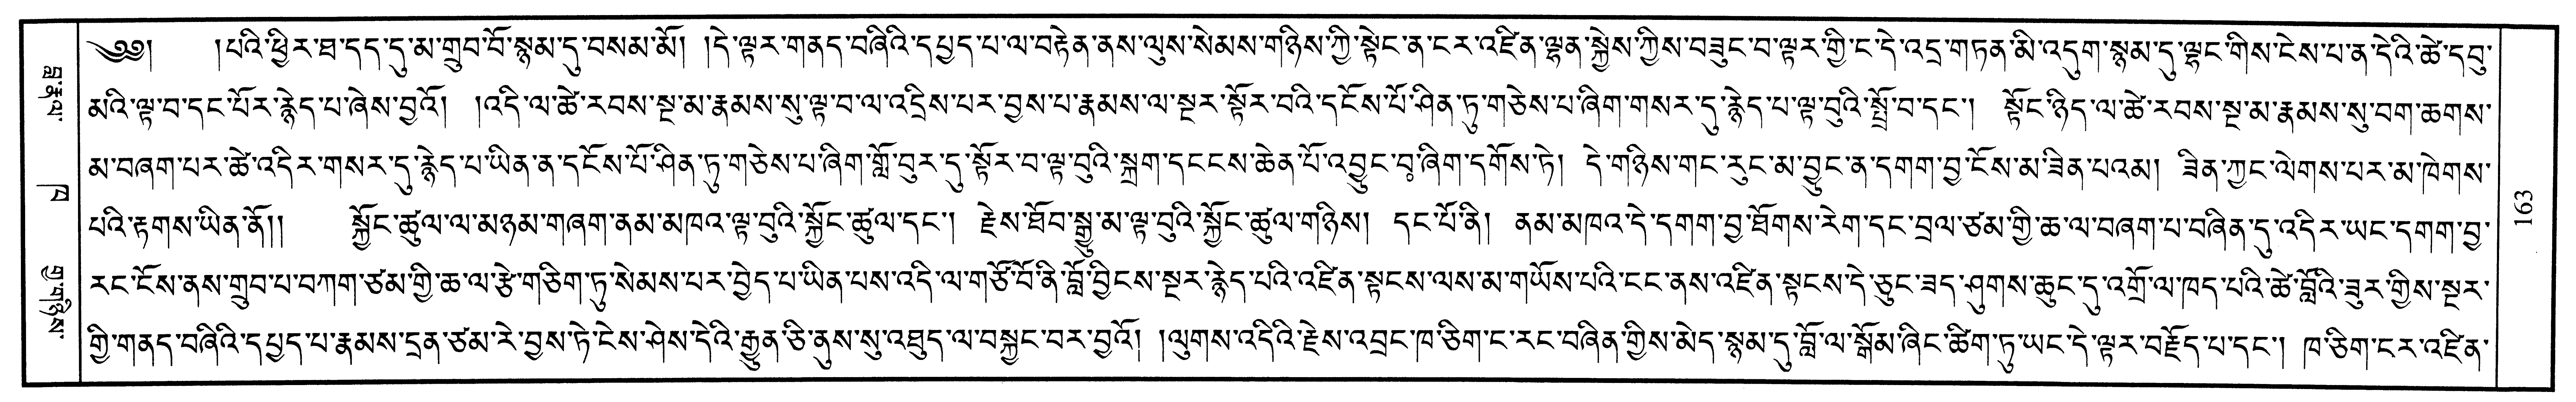༄༅། །པའི་ཕྱིར་ཐ་དད་དུ་མ་གྲུབ་བོ་སྙམ་དུ་བསམ་མོ། །དེ་ལྟར་གནད་བཞིའི་དཔྱད་པ་ལ་བརྟེན་ནས་ལུས་སེམས་གཉིས་ཀྱི་སྟེང་ན་ངར་འཛིན་ལྷན་སྐྱེས་ཀྱིས་བཟུང་བ་ལྟར་གྱི་ང་དེ་འདྲ་གཏན་མི་འདུག་སྙམ་དུ་ལྷང་གིས་ངེས་པ་ན་དེའི་ཚེ་དབུ་
མའི་ལྟ་བ་དང་པོར་རྙེད་པ་ཞེས་བྱའོ། །འདི་ལ་ཚེ་རབས་སྔ་མ་རྣམས་སུ་ལྟ་བ་ལ་འདྲིས་པར་བྱས་པ་རྣམས་ལ་སྔར་སྟོར་བའི་དངོས་པོ་ཤིན་ཏུ་གཅེས་པ་ཞིག་གསར་དུ་རྙེད་པ་ལྟ་བུའི་སྤྲོ་བ་དང་། སྟོང་ཉིད་ལ་ཚེ་རབས་སྔ་མ་རྣམས་སུ་བག་ཆགས་
མ་བཞག་པར་ཚེ་འདིར་གསར་དུ་རྙེད་པ་ཡིན་ན་དངོས་པོ་ཤིན་ཏུ་གཅེས་པ་ཞིག་གློ་བུར་དུ་སྟོར་བ་ལྟ་བུའི་སྐྲག་དངངས་ཆེན་པོ་འབྱུང་བ་ཞིག་དགོས་ཏེ། དེ་གཉིས་གང་རུང་མ་བྱུང་ན་དགག་བྱ་ངོས་མ་ཟིན་པའམ། ཟིན་ཀྱང་ལེགས་པར་མ་ཁེགས་
པའི་རྟགས་ཡིན་ནོ།། སྐྱོང་ཚུལ་ལ་མཉམ་གཞག་ནམ་མཁའ་ལྟ་བུའི་སྐྱོང་ཚུལ་དང་། རྗེས་ཐོབ་སྒྱུ་མ་ལྟ་བུའི་སྐྱོང་ཚུལ་གཉིས། དང་པོ་ནི། ནམ་མཁའ་དེ་དགག་བྱ་ཐོགས་རེག་དང་བྲལ་ཙམ་གྱི་ཆ་ལ་བཞག་པ་བཞིན་དུ་འདིར་ཡང་དགག་བྱ་
རང་ངོས་ནས་གྲུབ་པ་བཀག་ཙམ་གྱི་ཆ་ལ་རྩེ་གཅིག་ཏུ་སེམས་པར་བྱེད་པ་ཡིན་པས་འདི་ལ་གཙོ་བོ་ནི་བློ་བྱིངས་སྔར་རྙེད་པའི་འཛིན་སྟངས་ལས་མ་གཡོས་པའི་ངང་ནས་འཛིན་སྟངས་དེ་ཅུང་ཟད་ཤུགས་ཆུང་དུ་འགྲོ་ལ་ཁད་པའི་ཚེ་བློའི་ཟུར་གྱིས་སྔར་
གྱི་གནད་བཞིའི་དཔྱད་པ་རྣམས་དྲན་ཙམ་རེ་བྱས་ཏེ་ངེས་ཤེས་དེའི་རྒྱུན་ཅི་ནུས་སུ་འཐུད་ལ་བསྐྱང་བར་བྱའོ། །ལུགས་འདིའི་རྗེས་འབྲང་ཁ་ཅིག་ང་རང་བཞིན་གྱིས་མེད་སྙམ་དུ་བློ་ལ་སྒོམ་ཞིང་ཚིག་ཏུ་ཡང་དེ་ལྟར་བརྗོད་པ་དང་། ཁ་ཅིག་ངར་འཛིན་